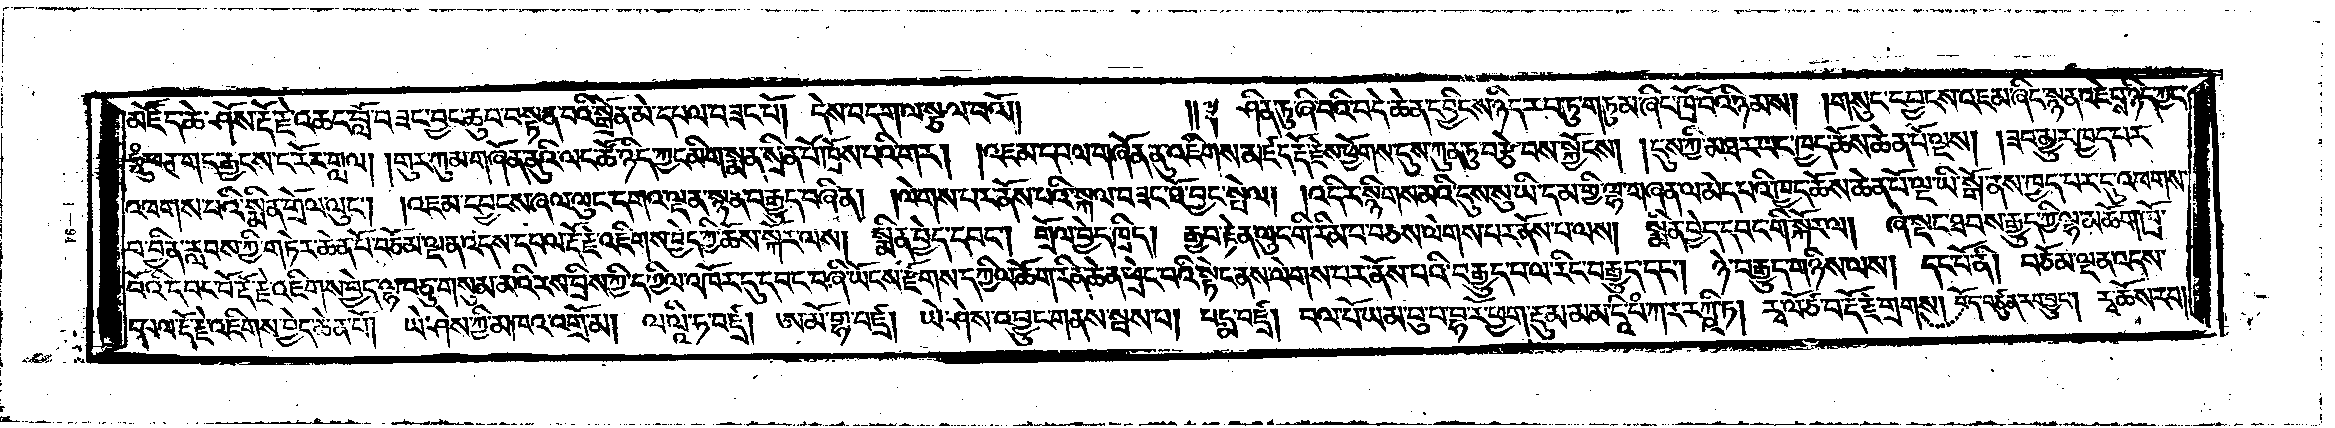མཛོད་ཆེ་ཤོས་རྡོ་རྗེ་འཆང་བློ་བཟང་བྱང་ཆུབ་བསྟན་པའི་སྒྲོན་མེ་དཔལ་བཟང་པོ། དེས་བདག་ལ་སྩལ་བའོ།། །།འ་ཤིན་ཏུ་ཞི་བའི་བདེ་ཆེན་དབྱིངས་ཉིད་རབ་ཏུ་གཏུམ་ཞིང་ཁྲོ་བོའི་ཉམས། །གསུང་དབྱངས་འཇམ་ཞིང་སྙན་འཇེབས་ཉིད་ཀྱང་
ཧཱུཾ་ཕཊ་གང་རྒྱངས་ང་རོར་གླལ། །གུར་ཀུམ་གཞོན་ནུའི་ལང་ཚོ་ཉིད་ཀྱང་མིག་སྨན་སྲིན་པོ་ཁྲོས་པའི་གར། །འཇམ་དཔལ་གཞོན་ནུ་འཇིགས་མཛད་རྡོ་རྗེས་ཕྱོགས་དུས་ཀུན་ཏུ་བརྩེ་བས་སྐྱོངས། །དུས་ཀྱི་མཐར་ཡང་ཁྱད་ཆོས་ཆེན་པོ་ལྔས། །ཟབ་མྱུར་ཁྱད་པར་
འཕགས་པའི་སྨིན་གྲོལ་ལུང་། །འཇམ་དབྱངས་ཞལ་ལུང་དགའ་ལྡན་སྙན་བརྒྱུད་བཞིན། །ལེགས་པར་ནོས་པའི་སྐལ་བཟང་ཐོ་བྱང་སྤེལ། །འདིར་སྙིགས་མའི་དུས་སུ་ཡི་དམ་གྱི་ལྷ་གཞན་ལ་མེད་པའི་ཁྱད་ཆོས་ཆེན་པོ་ལྔ་ཡི་སྒོ་ནས་ཁྱད་པར་དུ་འཕགས་
བ་བྱིན་རླབས་ཀྱི་གཏེར་ཆེན་པོ་བཅོམ་ལྡན་འདས་དཔལ་རྡོ་རྗེ་འཇིགས་བྱེད་ཀྱི་ཆོས་སྐོར་ལས། སྨིན་བྱེད་དབང་། གྲོལ་བྱེད་ཁྲིད། རྒྱབ་རྟེན་ལུང་གི་རིམ་པ་བཅས་ལེགས་པར་ནོས་པ་ལས། སྨིན་བྱེད་དབང་གི་སྐོར་ལ། ཞེ་སྡང་ཐབས་རྒྱུད་ཀྱི་ལྷ་མཆོག་ཁྲོ་
བོའི་དབང་པོ་རྡོ་རྗེ་འཇིགས་བྱེད་ལྷ་བཅུ་གསུམ་མའི་རས་བྲིས་ཀྱི་དཀྱིལ་འཁོར་དུ་དབང་བཞི་ཡོངས་རྫོགས་དཀྱིལ་ཆོག་རིན་ཆེན་ཕྲེང་བའི་སྟེང་ནས་ལེགས་པར་ནོས་པའི་བརྒྱུད་པ་ལ་རིང་བརྒྱུད་དང་། ཉེ་བརྒྱུད་གཉིས་ལས། དང་པོ་ནི། བཅོམ་ལྡན་འདས་
དཔལ་རྡོ་རྗེ་འཇིགས་བྱེད་ཆེན་པོ། ཡེ་ཤེས་ཀྱི་མཁའ་འགྲོ་མ། ལ་ལའི་ཏ་བཛྲ། ཨ་མོ་གྷ་བཛྲ། ཡེ་ཤེས་འབྱུང་གནས་སྦས་པ། པདམ་བཛྲ། བལ་པོ་ཡམ་བུ་པ་བྷ་རོ་ཕྱག་རྡུམ་མམ་འདི་པཾ་ཀ་ར་རཀྵི་ཏ། རྭ་ལོ་ཙ་བ་རྡོ་རྗེ་གྲགས། བོད་བཙུན་རབ་བྱུང་།  རྭ་ཆོས་རབ།